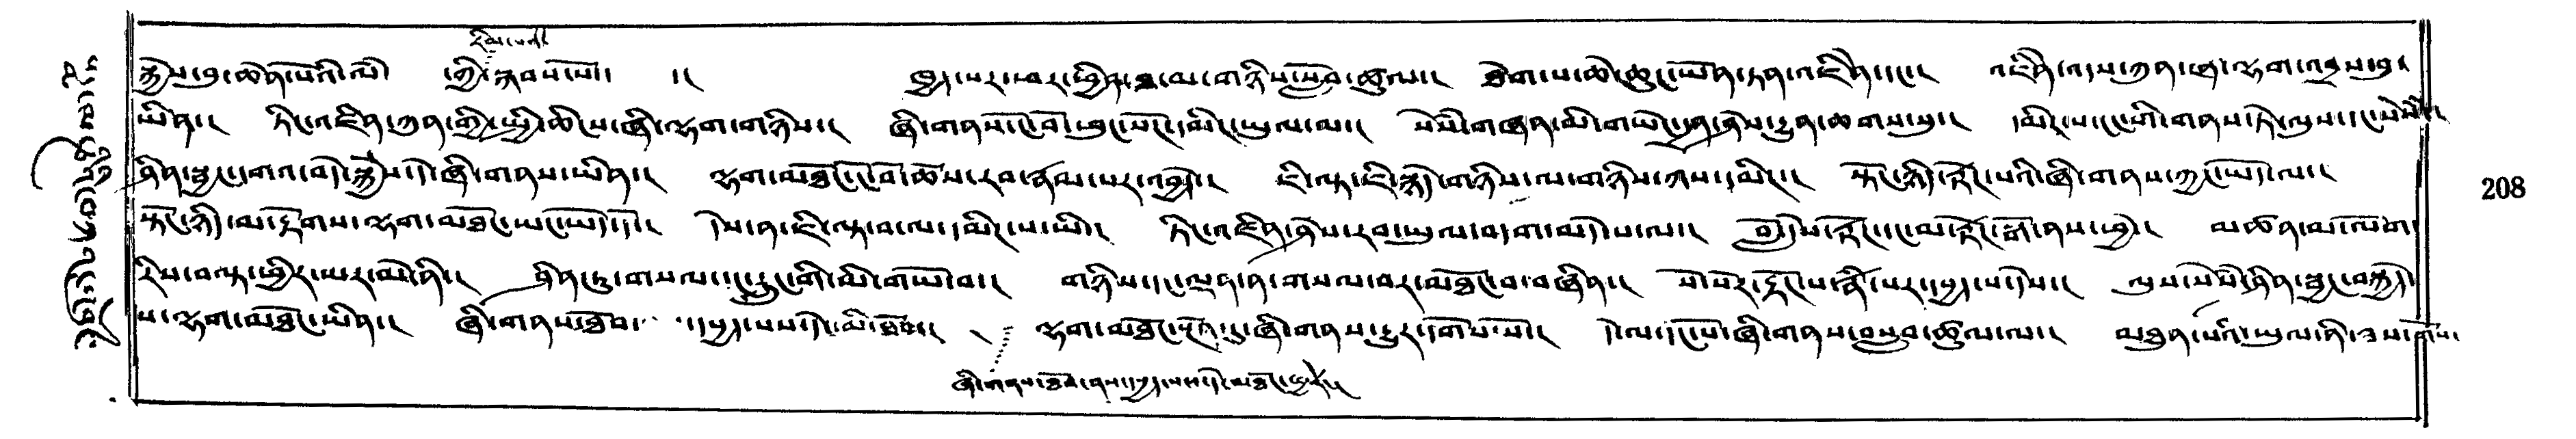སྐྱེས་བུ་ཆེན་པོའི་ལམ་གྱི་རིམ་པའི་སྐབས་སོ། ཁྱད་པར་ཕར་ཕྱིན་ཐ་མ་གཉིས་སློབ་ཚུལ། །ཐེག་པ་ཆེ་ཆུང་ཡོན་ཏན་འཇིག་རྟེན་དང་། །འཇིག་རྟེན་འདས་ཀུན་ཞི་ལྷག་འབྲས་བུ་
ཡིན། །ཏིང་འཛིན་ཀུན་ཀྱི་སྤྱི་ཆིངས་ཞི་ལྷག་གཉིས། །ཞི་གནས་ངོ་བོ་ཕུང་སོགས་དམིགས་ཡུལ་ལ། །སེམས་གཞན་མི་གཡེང་དྲན་ཤེས་རྒྱུན་ཆགས་སུ། །དམིགས་པ་ངང་གི་གནས་ཏེ་ལུས་དང་སེམས། །
ཤིན་སྦྱངས་དགའ་བདེ་སྐྱེས་དེ་ཞི་གནས་ཡིན། །ལྷག་མཐོང་ངོ་བོ་ཆོས་རབ་རྣམ་པར་འབྱེད། །ཇི་ལྟ་ཇི་སྙེད་གཉིས་ལ་གཉིས་ཀས་དམིགས། །སྟོང་ཉིད་རྟོགས་པའི་ཞི་གནས་ཀྱང་ཡོད་ལ། །
སྟོང་ཉིད་མ་རྟོགས་ལྷག་མཐོང་ཡང་ཡོད་དོ། །དེས་ན་ཇི་ལྟ་བ་ལ་དམིགས་པ་ཡི། །ཏིང་འཛིན་ཤེས་རབ་ཡུལ་བདག་མེད་པ་ལ། །བློ་དེས་རྟོགས་དང་མ་རྟོགས་སྒོ་ནས་ཕྱེ། །མཚན་མ་ལོག་
རིས་བལྟ་ཕྱིར་མར་མེ་ནི། །ཤིན་ཏུ་གསལ་དང་རླུང་གི་མི་གཡོ་བ། །གཉིས་དང་ལྡན་ན་གསལ་བར་མཐོང་བ་བཞིན། །སོ་སོར་རྟོགས་པ་རྣམ་པར་དཔྱད་པ་དེས། །ལུས་སེམས་ཤིན་སྦྱངས་བསྐྱེད་
པ་ལྷག་མཐོང་ཡིན། །ཞི་གནས་ཐོབ་ཀྱང་དཔྱད་པས་དེ་མི་ཐོབ། །ཞི་གནས་ཐོབ་ནས་དཔྱད་པས་དེ་མཐོང་ཕྱིར། །ལྷག་མཐོང་སྔོན་དུ་ཞི་གནས་རྒྱུར་དགོས་སོ། །དེ་ལ་དང་པོ་ཞི་གནས་བསླབ་ཚུལ་ལ། །མཐུན་པའི་ཡུལ་ནི་ཟས་གོས་